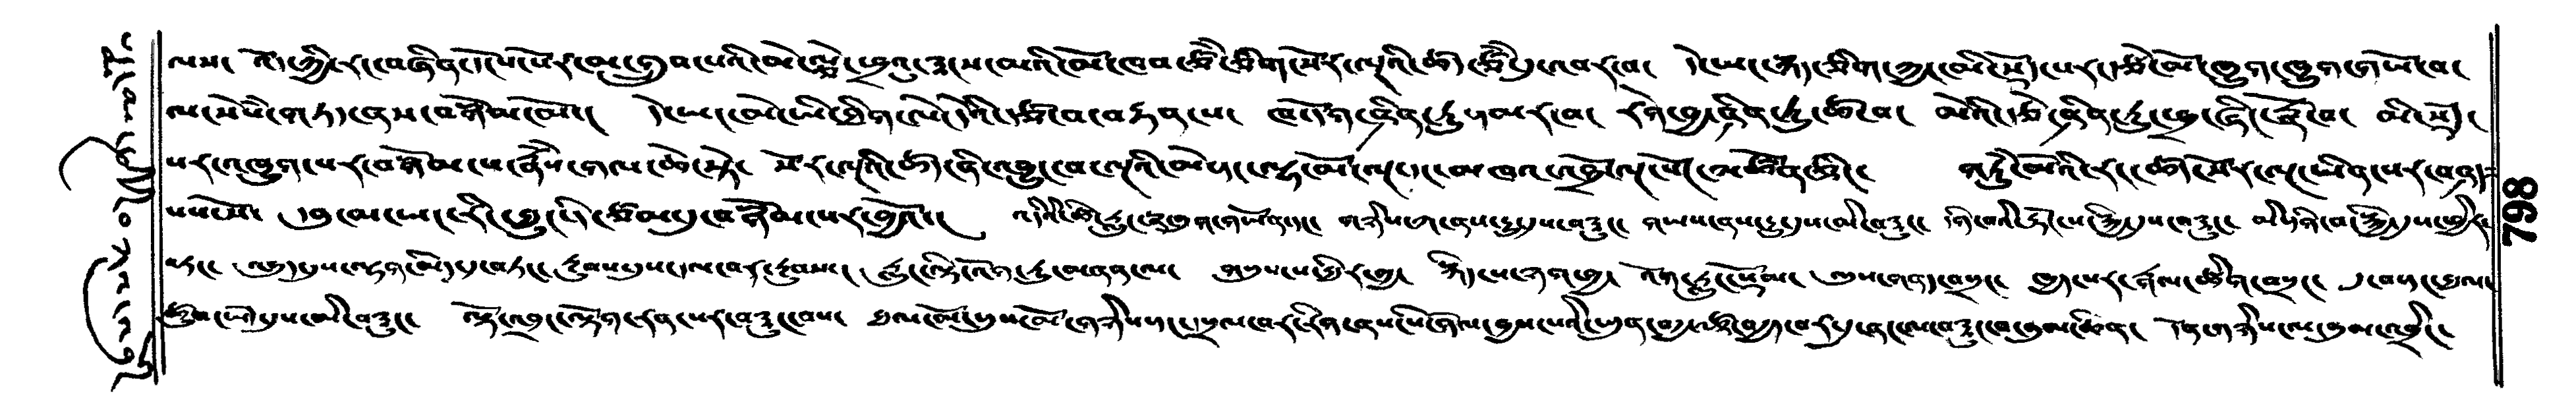ལས། འོད་ཀྱྀ་རང་བཞིན་དངོས་པོར་མ་གྲུབ་པའི་མེ་ལྕེ་ཕྲའུ་ཟངས་མའི་མོ་ཁབ་ཙམ་ཞིག་སོར་ལྔའི་ཚད་ཙམ་དུ་འབར་བ། དེ་ཡང་སྐད་ཅིག་ཀྱང་མི་སྡོད་པར་རྩེ་མོ་ཁྱུག་ཁྱུག་གཡོ་བ་
ལ་སེམས་གཏད་ནས་བསྒོམ་མོ། དེ་ཡང་མེ་ཡི་ཐིག་ལེ་དེའི་རྩ་བ་བརྟན་པ། ཁ་དོག་ཤིན་རུ་དམར་བ། རེག་བྱ་ཤིན་ཏུ་ཚ་བ། མེའི་རྩེ་ཤིན་ཏུ་ཕྲ་ཞིང་རྣོ་བ། མི་སྡོད་
པར་འཁྱུག་པར་བསྒོམ་པ་རྣམས་གལ་ཆེ་སྟེ། སོར་སྔའི་ཚད་ནི་འབྱུང་བ་ལྔའི་མེ་དང་ལྷ་མོ་ལྔ་དང་མཁའ་འགྲོ་ལྔ་སོགས་མཚོན་ཅིང་། གཏུམ་མོའི་རང་ཚད་སོར་ལྔ་ཡིན་པར་བཤད་
པས་སོ། དབུ་མ་ཡང་རིང་ཐུང་དེ་ཙམ་དུ་བསྒོམ་པར་བྱའོ། འདིའི་ཚེ་རླུང་སྣ་བུག་གཡོན་དང་། གཉིས་ཀ་ནས་རྒྱུ་དུས་བཟུང་། གཡས་ནས་རྒྱུ་དུས་མི་བཟུང་། དགེ་བའི་རྟོག་པ་སྐྱེ་དུས་བཟུང་། མི་གེ་བ་སྐྱེ་དུས་ཕྱིར་
བཏང་། འབུད་དུས་ལྷག་མེད་དུ་བཏང་། རྔུབ་དུས་དལ་བར་རྔུབ། རླུང་ལྟེ་འོག་ཏུ་མནན་ལ། གསུས་པ་ཐེར་རྒྱ། སྐེད་པ་ཉག་རྒྱ། འོག་རླུང་སྡོམ། ལུས་གནད་བསྲང་། ཁྱད་པར་རྒལ་ཚིག་བསྲང་། དུ་བ་དང་ཐལ་
ཚུབ་ཡོད་དུས་མི་བཟུང་། ལྟོ་འབྲང་ལྟོག་རན་པར་བཟུང་བས། ཐལ་མོ་པུས་མོ་གཉིས་དང་དཔྲལ་བར་རེག་ནས་སེ་གོལ་བྱས་པའི་ཡུན་བརྒྱ་རྩ་བརྒྱད་བར་དུ་ནང་ལ་བཟུང་བ་བུམ་ཆེན། དོན་གཉིས་ལ་བུམ་འབྲིང་།